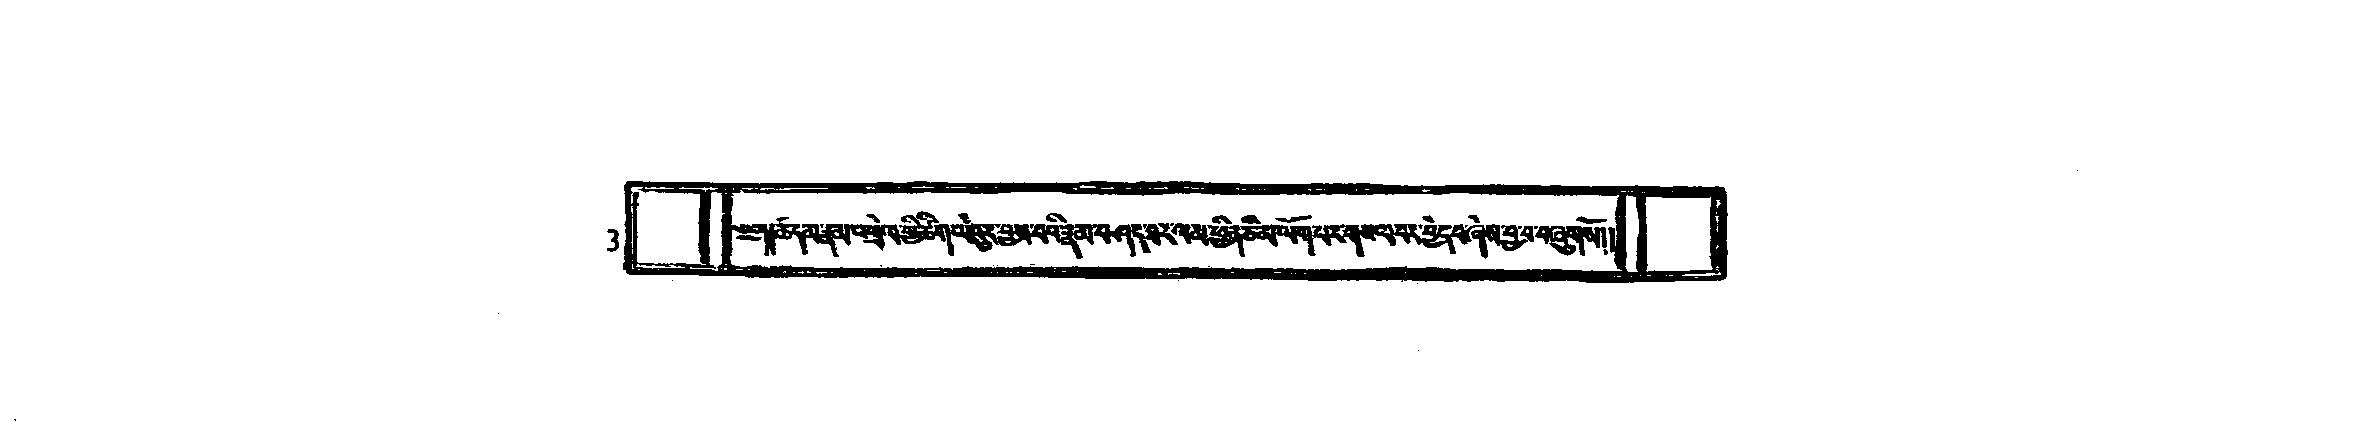༄༅། །ཚད་མ་རྣམ་འགྲེལ་གྱི་ཚིག་ལེའུར་བྱས་བའི་རྣམ་བཤད་ཐར་ལམ་ཕྱིན་ཅི་མ་ལོག་པར་གསལ་བར་བྱེད་བ་ཞེས་བྱ་བ་བཞུགས་སོ།།